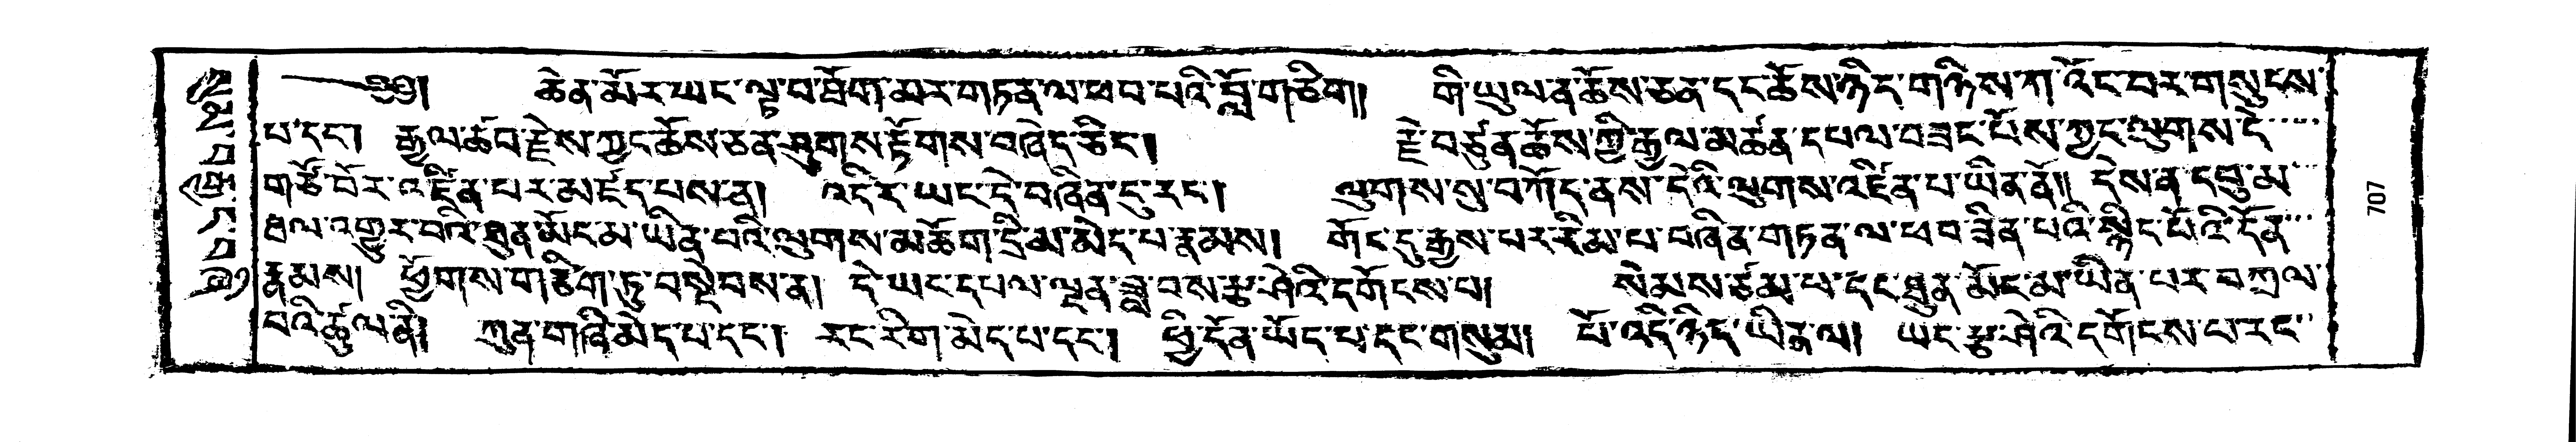༄༅། །ཆེན་མོར་ཡང་ལྟ་བ་ཐོག་མར་གཏན་ལ་ཕབ་པའི་བློ་གཅིག། གི་ཡུལ་ན་ཆོས་ཅན་དང་ཆོས་ཉིད་གཉིས་ཀ་འོང་བར་གསུངས་
པ་དང་། རྒྱལ་ཚབ་རྗེས་ཀྱང་ཆོས་ཅན་ཤུགས་རྟོགས་བཞེད་ཅིང་། རྗེ་བཙུན་ཆོས་ཀྱི་རྒྱལ་མཚན་དཔལ་བཟང་པོས་ཀྱང་ལུགས་དེ་གཙོ་བོར་འཛིན་པར་མཛད་པས་ན། འདིར་ཡང་དེ་བཞིན་དུ་རང་། ལུགས་སུ་བཀོད་ནས་དེའི་ལུགས་འཛིན་པ་ཡིན་ནོ། །དེས་ན་དབུ་མ་
ཐལ་འགྱུར་བའི་ཐུན་མོང་མ་ཡིན་པའི་ལུགས་མཆོག་དྲི་མ་མེད་པ་རྣམས། གོང་དུ་རྒྱས་པར་རིམ་པ་བཞིན་གཏན་ལ་ཕབ་ཟིན་པའི་སྙིང་པོའི་དོན་
རྣམས། ཕྱོགས་གཅིག་ཏུ་བསྡེབས་ན། དེ་ཡང་དཔལ་ལྡན་ཟླ་བས་རྩ་ཤེའི་དགོངས་པ། སེམས་ཙམ་པ་དང་ཐུན་མོང་མ་ཡིན་པར་བཀྲལ་
བའི་ཚུལ་ནི། ཀུན་གཞི་མེད་པ་དང་། རང་རིག་མེད་པ་དང་། ཕྱི་དོན་ཡོད་པ་དང་གསུམ། པོ་འདི་ཉིད་ཡིན་ལ། ཡང་རྩ་ཤེའི་དགོངས་པ་རང་